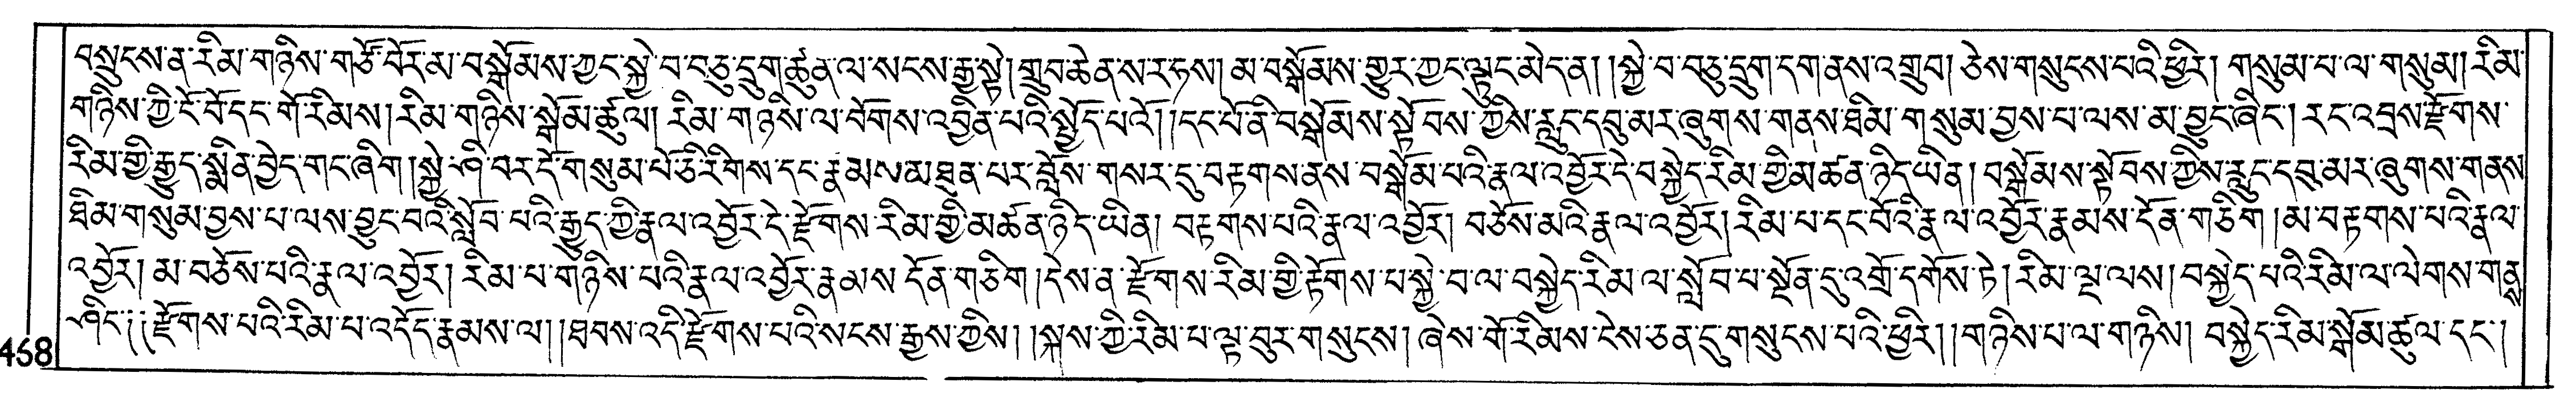བསྲུངས་ན་རིམ་གཉིས་གཙོ་བོར་མ་བསྒོམས་ཀྱང་སྐྱེ་བ་བཅུ་དྲུག་ཚུན་ལ་སངས་རྒྱས་སྟེ། གྲུབ་ཆེན་ས་ར་ཧས། མ་བསྒོམས་གྱུར་ཀྱང་ལྟུང་མེད་ན། །སྐྱེ་བ་བཅུ་དྲུག་དག་ནས་འགྲུབ། ཅེས་གསུངས་པའི་ཕྱིར། གསུམ་པ་ལ་གསུམ། རིམ་
གཉིས་ཀྱི་ངོ་བོ་དང་གོ་རིམས། རིམ་གཉིས་སྒོམ་ཚུལ། རིམ་གཉིས་ལ་བོགས་འབྱིན་པའི་སྤྱོད་པའོ། །དང་པོ་ནི་བསྒོམས་སྟོབས་ཀྱིས་རླུང་དབུ་མར་ཞུགས་གནས་ཐིམ་གསུམ་བྱས་པ་ལས་མ་བྱུང་ཞིང་། རང་འབྲས་རྫོགས་
རིམ་གྱི་རྒྱུད་སྨིན་བྱེད་གང་ཞིག །སྐྱེ་ཤི་བར་དོ་གསུམ་པོ་ཅི་རིགས་དང་རྣམས་མཐུན་པར་བློས་གསར་དུ་བརྟགས་ནས་བསྒོམ་པའི་རྣལ་འབྱོར་དེ་བསྐྱེད་རིམ་གྱི་མཚན་ཉིད་ཡིན། བསྒོམས་སྟོབས་ཀྱིས་རླུང་དབུ་མར་ཞུགས་གནས་
ཐིམ་གསུམ་བྱས་པ་ལས་བྱུང་བའི་སློབ་པའི་རྒྱུད་ཀྱི་རྣལ་འབྱོར་དེ་རྫོགས་རིམ་གྱི་མཚན་ཉིད་ཡིན། བརྟགས་པའི་རྣལ་འབྱོར། བཅོས་མའི་རྣལ་འབྱོར། རིམ་པ་དང་པོའི་རྣལ་འབྱོར་རྣམས་དོན་གཅིག །མ་བརྟགས་པའི་རྣལ་
འབྱོར། མ་བཅོས་པའི་རྣལ་འབྱོར། རིམ་པ་གཉིས་པའི་རྣལ་འབྱོར་རྣམས་དོན་གཅིག །དེས་ན་རྫོགས་རིམ་གྱི་རྟོགས་པ་སྐྱེ་བ་ལ་བསྐྱེད་རིམ་ལ་སློབ་པ་སྔོན་དུ་འགྲོ་དགོས་ཏེ། རིམ་ལྔ་ལས། བསྐྱེད་རིམ་ལ་ལེགས་གནས་
ཤིང༑ ༑རྫོགས་པའི་རིམ་པ་འདོད་རྣམས་ལ། །ཐབས་འདི་རྫོགས་པའི་སངས་རྒྱས་ཀྱིས། །སྐས་ཀྱི་རིམ་པ་ལྟ་བུར་གསུངས། ཞེས་གོ་རིམས་ངེས་ཅན་དུ་གསུངས་པའི་ཕྱིར། །གཉིས་པ་ལ་གཉིས། བསྐྱེད་རིམ་སྒོམ་ཚུལ་དང་།